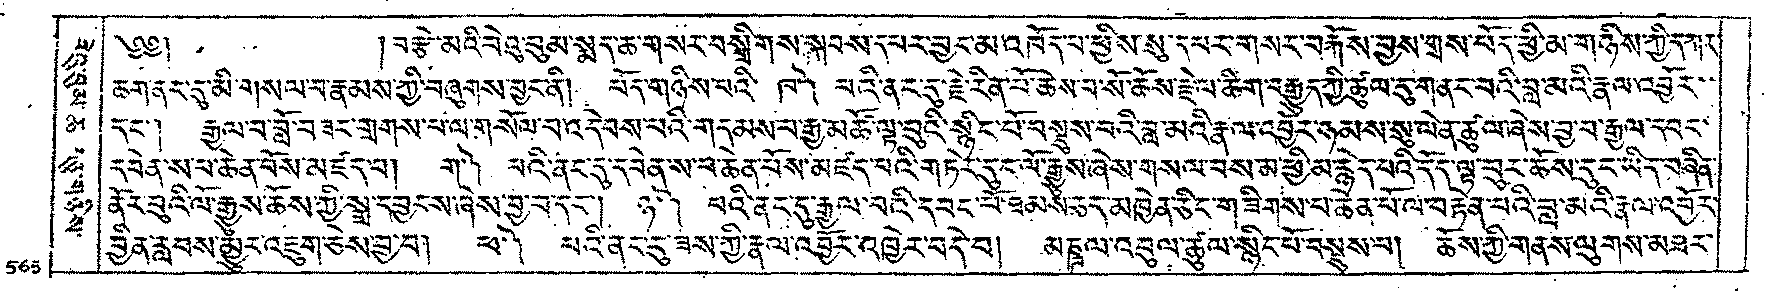༄༅། །བརྩེ་མའི་བེའུ་བུམ་སྨད་ཆ་གསར་བསྒྲིགས་སྐབས་དཔར་བྱང་མ་འཁོད་པ་ཕྱིས་སུ་དཔར་གསར་བརྐོས་བྱས་གྲས་པོད་ཕྱི་མ་གཉིས་ཀྱི་དཀར་
ཆག་ནང་དུ་མི་གསལ་བ་རྣམས་ཀྱི་བཞུགས་བྱང་ནི། པོད་གཉིས་པའི་ཁ྄་པའི་ནང་དུ་རྗེ་རིན་པོ་ཆེས་བ་སོ་ཆོས་རྗེ་ལ་ཚིག་བརྒྱུད་ཀྱི་ཚུལ་དུ་གནང་བའི་བླ་མའི་རྣལ་འབྱོར་
དང་། རྒྱལ་བ་བློ་བཟང་གྲགས་པ་ལ་གསོལ་བ་འདེབས་པའི་གདམས་པ་རྒྱ་མཚོ་ལྟ་བུའི་སྙིང་པོ་བསྡུས་པའི་བླ་མའི་རྣལ་འབྱོར་ཉམས་སུ་ལེན་ཚུལ་ཞེས་བྱ་བ་རྒྱལ་དབང་
དབེན་ས་པ་ཆེན་པོས་མཛད་པ། ག྄་པའི་ནང་དུ་དབེན་ས་པ་ཆེན་པོས་མཛད་པའི་གཏེར་དུང་ལོ་རྒྱུས་ཞེས་གསལ་བས་མ་ཕྱི་མ་རྙེད་པའི་དོད་ལྟ་བུར་ཆོས་དུང་ཡིད་བཞིན་
ནོར་བུའི་ལོ་རྒྱུས་ཆོས་ཀྱི་སྒྲ་དབྱངས་ཞེས་བྱ་བ་དང་། ཉ྄་པའི་ནང་དུ་རྒྱལ་བའི་དབང་པོ་ཐམས་ཅད་མཁྱེན་ཅིང་གཟིགས་པ་ཆེན་པོ་ལ་བརྟེན་པའི་བླ་མའི་རྣལ་འབྱོར་
བྱིན་རླབས་མྱུར་འཇུག་ཅེས་བྱ་བ། ཕ྄་པའི་ནང་དུ་ཟས་ཀྱི་རྣལ་འབྱོར་འཁྱེར་བདེ་བ། མཎྜལ་འབུལ་ཚུལ་སྙིང་པོ་བསྡུས་པ། ཆོས་ཀྱི་གནས་ལུགས་མཐར་